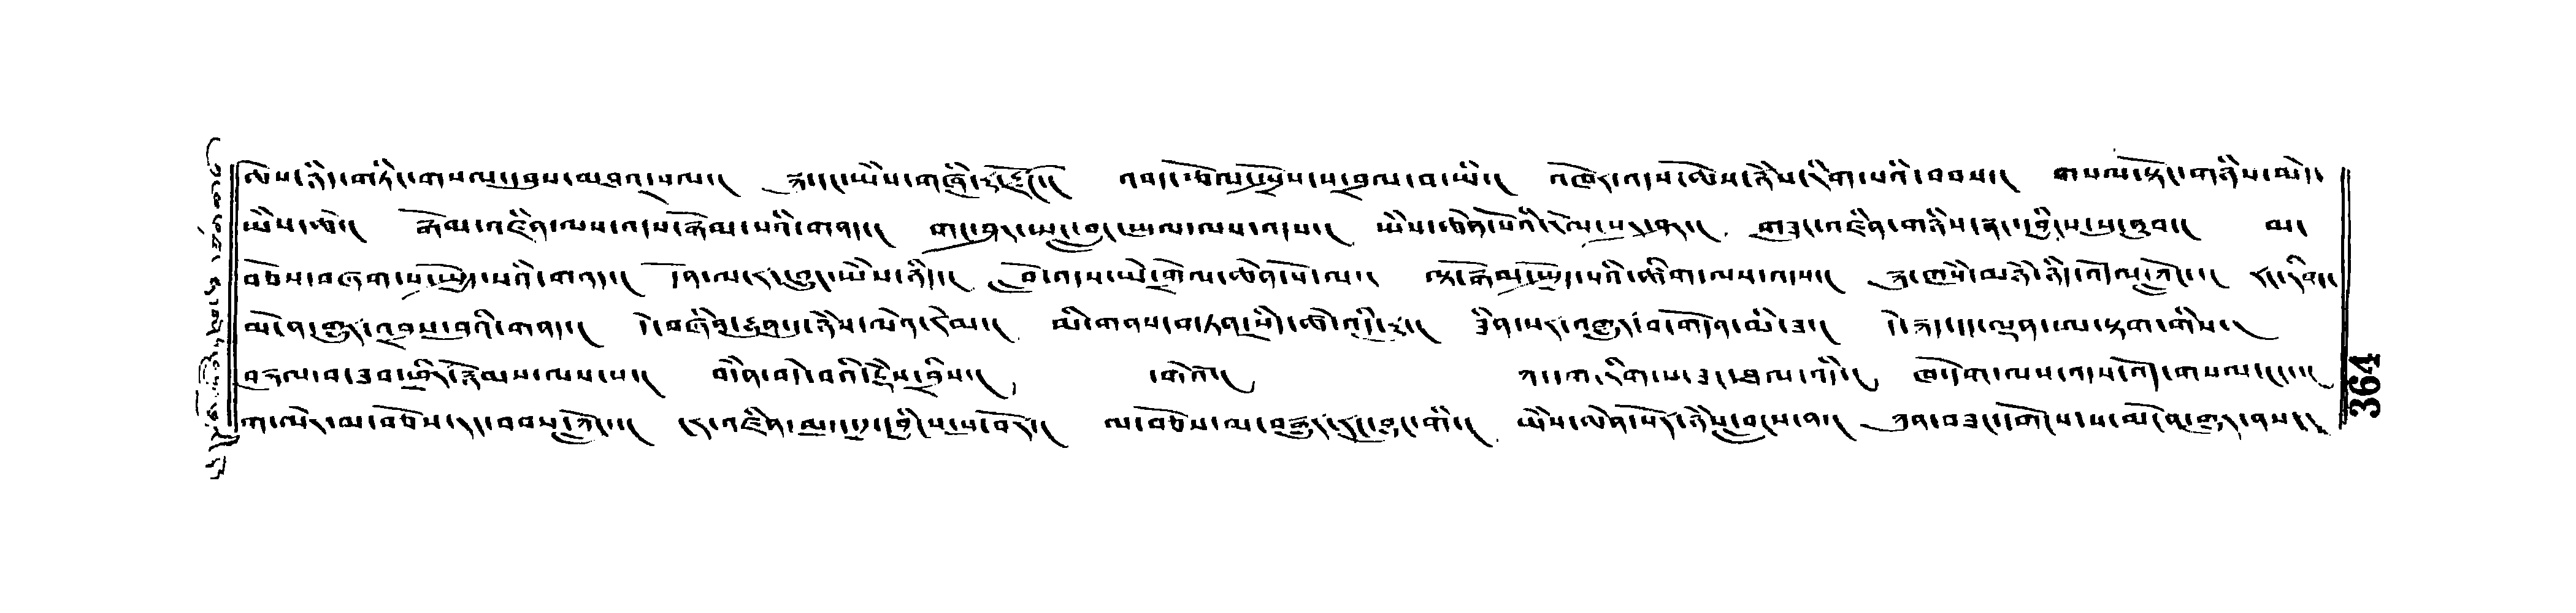།ཆོས་ཉིད་གཏིང་གསལ་དབུས་མཐའ་བྲལ། །སྐུ་དང་ཡེ་ཤེས་གཞི་རུ་རྫོགས། །འབད་རྩོལ་སྤྲོས་པ་བྲལ་བ་ཡི། །འཁོར་འདས་ཆོས་རྣམས་རིག་པའི་བབས། །གསལ་སྟོང་གཉིས་མེད་
ཡེ་ཤེས་ཆེ། །སྒོམ་འཛིན་ལས་འདས་སྒོམ་པའི་གནད། །གང་ཤར་སྤང་བླང་ཡུལ་ལས་འདས། །ཡེ་ཤེས་ཆེན་པོའི་རོལ་པར་ཤར། །གཟུང་འཛིན་གཉིས་སྣང་དབྱིངས་སུ་ནུབ། །མ་
བཅོས་བཞག་པ་སྤྱོད་པའི་གནད། །དོན་ལ་རང་བྱུང་ཡེ་ཤེས་ཉིད། །བློ་འདས་ཡེ་གྲོལ་ཆེན་པོ་ལ། །ལྟ་སྒོམ་སྤྱོད་པའི་ཚིག་ལས་འདས། །སྐུ་གསུམ་མཉམ་ཉིད་འོད་གསལ་ཀློང་། །རང་རིག་
མངོན་གྱུར་འབྲས་བུའི་གནད། །དེ་བཞིན་རྒྱུན་དུ་ཉམས་ལེན་རེམ། །མི་གནས་གཏན་སྲིད་ཚེ་འདི་རུ། །ཟིན་པར་འགྱུར་བ་གདོན་མི་ཟ། །དེ་སྐད་དད་ལྡན་ཨ་སྟག་གིས། །
བསྐུལ་བ་ཟབ་ཕྱིར་སྙོམས་ལས་པ། །བདེ་ཆེན་བདེ་བའི་རྡོ་རྗེས་བྲིས།དགེའོ།། ཀ་དག་རིག་པ་ཟང་ཐལ་འདི། ཁ་དོག་ལས་འདས་འོད་གསལ་ངང་། །
ག་ལེར་མ་བཅོས་རང་བབས་ཀློང་། །ངར་འཛིན་མདུད་རྒྱ་དབྱིངས་སུ་བོར། །མ་བཅོས་མ་བསྒྱུར་རང་བྱུང་གི །ཡེ་ཤེས་ཆེན་པོར་ཉམས་བླངས་ན། །ཀུན་བཟང་དགོངས་པ་མངོན་གྱུར་ནས།